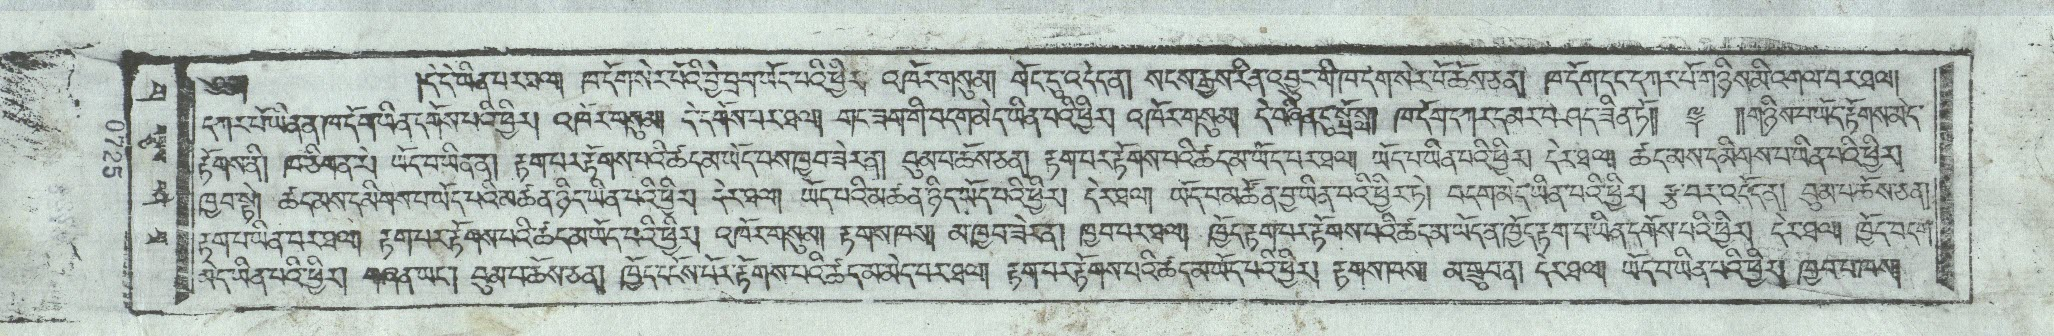༄༅། དེ་དེ་ཡིན་པར་ཐལ། ཁ་དོག་སེར་པོའི་བྱེ་བྲག་ཡོད་པའི་ཕྱིར་འཁོར་གསུམ། གོང་དུ་འདོད་ན། སངས་རྒྱས་རིན་འབྱུང་གི་ཁ་དོག་སེར་པོ་ཆོས་ཅན། ཁ་དོག་དང་དཀར་པོ་གཉིས་མི་འགལ་བར་ཐལ།
དཀར་པོ་ཡིན་ན་ཁ་དོག་ཡིན་དགོས་པའི་ཕྱིར། འཁོར་གསུམ། དེ་དགོས་པར་ཐལ། གང་ཟག་གི་བདག་མེད་ཡིན་པའི་ཕྱིར། འཁོར་གསུམ། དེ་བཞིན་དུ་སྤྲོ་སླ། ཁ་དོག་དཀར་དམར་བཤད་ཟིན་ཏོ།། ༈ །།གཉིས་པ་ཡོད་རྟོགས་མེད་
རྟོགས་ནི། ཁ་ཅིག་ན་རེ། ཡོད་པ་ཡིན་ན། རྟག་པར་རྟོགས་པའི་ཚད་མ་ཡོད་པས་ཁྱབ་ཟེར་ན། བུམ་པ་ཆོས་ཅན། རྟག་པར་རྟོགས་པའི་ཚད་མ་ཡོད་པར་ཐལ། ཡོད་པ་ཡིན་པའི་ཕྱིར། དེར་ཐལ། ཚད་མས་དམིགས་པ་ཡིན་པའི་ཕྱིར།
ཁྱབ་སྟེ། ཚད་མས་དམིགས་པ་ཡོད་པའི་མཚན་ཉིད་ཡིན་པའི་ཕྱིར། དེར་ཐལ། ཡོད་པའི་མཚན་ཉིད་ཡོད་པའི་ཕྱིར། དེར་ཐལ། ཡོད་པ་མཚོན་བྱ་ཡིན་པའི་ཕྱིར་ཏེ། བདག་མེད་ཡིན་པའི་ཕྱིར། རྩ་བར་འདོད་ན། བུམ་པ་ཆོས་ཅན།
རྟག་པ་ཡིན་པར་ཐལ། རྟག་པར་རྟོགས་པའི་ཚད་མ་ཡོད་པའི་ཕྱིར། འཁོར་གསུམ། རྟགས་ཁས། མ་ཁྱབ་ཟེར་ན། ཁྱབ་པར་ཐལ། ཁྱོད་རྟག་པར་རྟོགས་པའི་ཚད་མ་ཡོད་ན་ཁྱོད་རྟག་པ་ཡིན་དགོས་པའི་ཕྱིར། དེར་ཐལ། ཁྱོད་བདག་
མེད་ཡིན་པའི་ཕྱིར། གཞན་ཡང་། བུམ་པ་ཆོས་ཅན། ཁྱོད་དངོས་པོར་རྟོགས་པའི་ཚད་མ་མེད་པར་ཐལ། རྟག་པར་རྟོགས་པའི་ཚད་མ་ཡོད་པའི་ཕྱིར། རྟགས་ཁས། མ་གྲུབ་ན། དེར་ཐལ། ཡོད་པ་ཡིན་པའི་ཕྱིར། ཁྱབ་པ་ཁས།